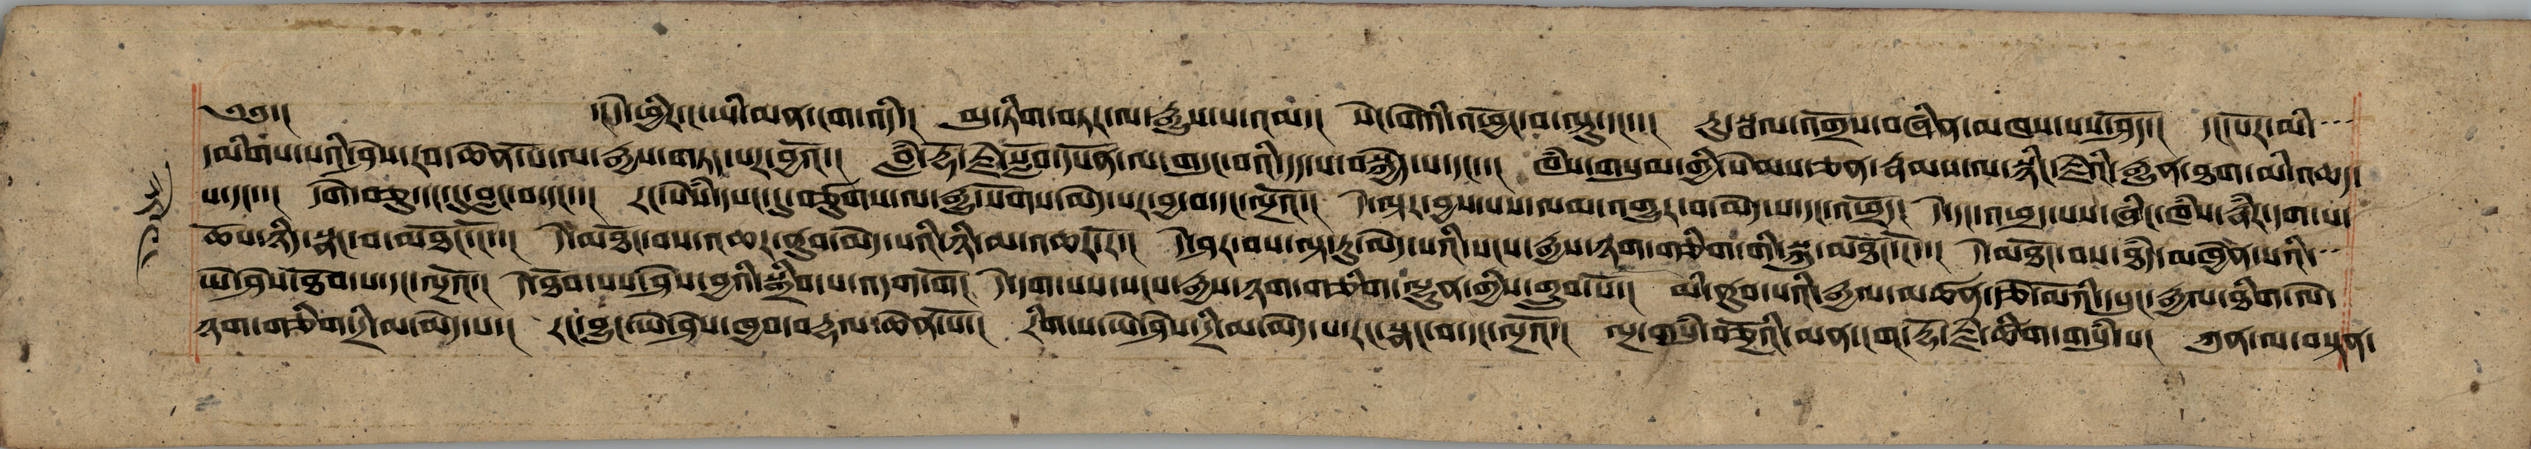༄༅་། ་།དེ་ཕྱིར་ང་ཡི་མན་ངག་འདི་། མུ་ཏིག་བཏར་ལ་རྒྱུས་པ་འམ་། སེང་གེའི་འཕྱོང་བ་ལྟུ་དང་་། རུ་སྦལ་འགྲོས་བཞིན་མཁས་པས་ཤོད་། དང་པོར་མི་
དམིགས་པའི་ཤེས་རབ་ཆེན་པོ་ལ་རྒྱས་གཏད་པར་བྱའོ་། བླཾ་རྡོ་རྗེ་སློབ་དཔོན་ལ་གདུང་བའི་དད་པ་བསྐྱེད་པ་དང་་། ཁཾས་གསུམ་གྱི་སེམས་ཅན་རྣམས་ལ་སྙིང་རྗེའི་རྒྱུན་ཐག་མི་འཆད་
པ་དང་་། དགེ་བཅུ་དང་དུ་བླང་བ་དང་་། རང་སེཾས་དཔང་དུ་བཙུགས་ལ་རྒྱུ་སོགས་མེད་པར་བྱ་བ་དང་ལྔའོ་། དེ་ལྟར་བྱས་པས་ལམ་འགྱུར་བ་མེད་པ་དང་འཕྲོད། དེ་དང་འཕྲད་པས་ཞིང་ཁཾས་རྣཾར་དག་པ་
ཆོས་ཉིད་སྣང་བ་མཐོང་ངོ་་། དེ་མཐོང་བས་འཆར་ནུབ་མེད་པའི་ཉི་མ་འཆར་རོ་། དེ་ཤར་བས་ལྟ་རུ་མེད་པའི་སངས་རྒྱས་ཉག་གཅིག་གི་སྐུ་མཐོང་ངོ་་། དེ་མཐོང་བས་ཐཾད་མཁྱེན་པའི་
ངེས་ཤེས་ཐོབ་པ་དང་ལྔའོ་། དེ་ཐོབ་པས་ཤེས་བྱའི་སྒྲིབ་པ་འདག་གོ། དེ་དག་པས་སངས་རྒྱས་ཉག་གཅིག་ལྷུན་གྱིས་གྲུབ་པོ་། མི་ནུབ་པའི་རྒྱལ་མཚན་རྩེ་མོའི་དཔུང་རྒྱལ་ཐིག་ལེ་
ཉག་གཅིག་དྲི་མ་མེད་པ་། རང་བྱུང་ཡེ་ཤེས་ཁྱབ་བརྡལ་ཆེན་པོ་། རིག་པ་ཡེ་ཤེས་དྲི་མ་མེད་པ་རང་སྣང་བ་དང་ལྔའོ་། ལྔ་གསུཾ་བཅྔོའི་མན་ངག་རྡོ་རྗེ་ཚིག་གསུཾ་པ། ཀུན་ལ་བསྟན་